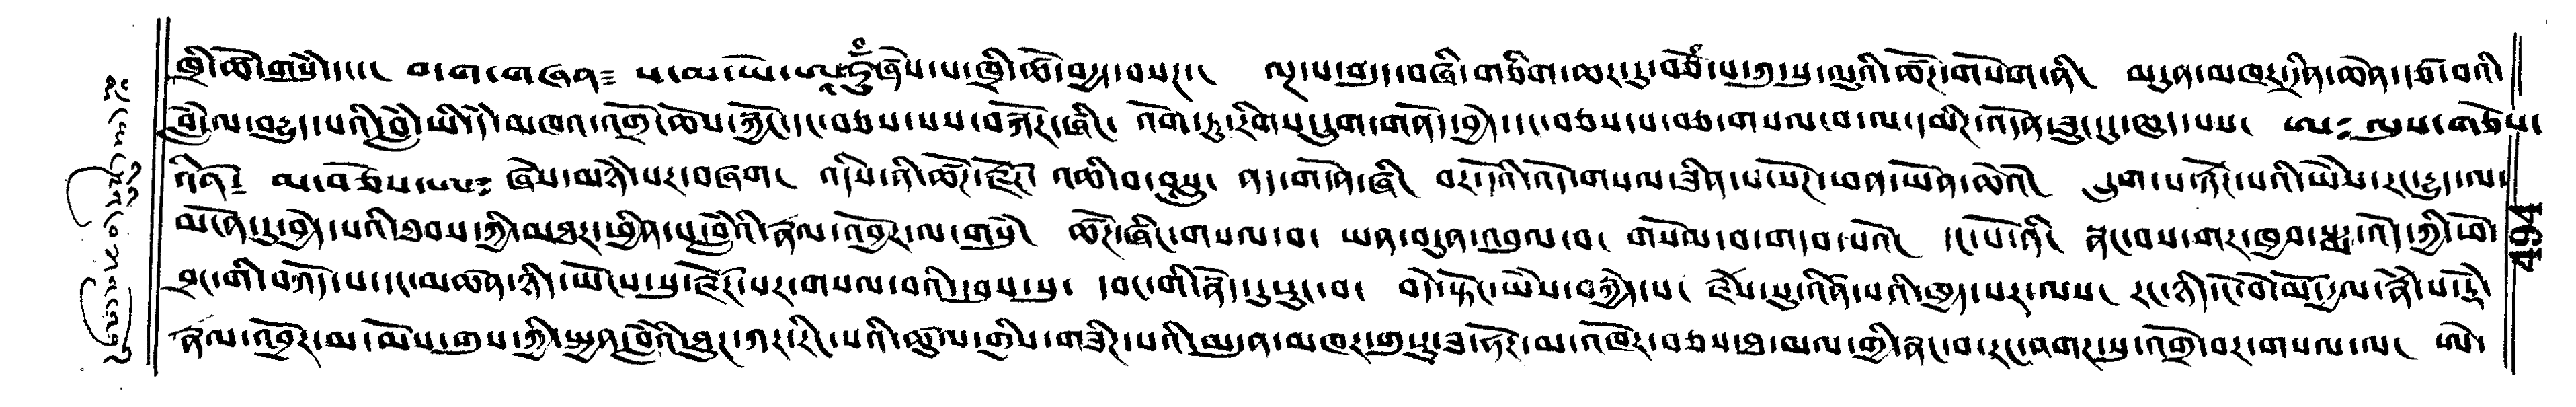ཁྲི་ཚོ་གསུམ་དང་། བདག་གཞན༴ ས་མ་ཡེ་ཨཱཿཧཱུྃ། ཞེས་པ་ཁྲི་ཚོ་བརྒྱད་བསགས། ལྔ་པ་བདུད་བཞི་གཅིག་ཆར་དུ་བཅོམ་པ་ཀུ་སུ་ལུའི་ཚོགས་གསོག་ནི། མདུན་མཁར་དྲིན་རྩ་བའི་
བླ་མ་བརྒྱུད་པའི་བླ་མ་ཡི་དམ་མཁའ་འགྲོ་ཆོས་སྐྱོང་དང་བཅས་པས་བསྐོར་ཞིང་། འོག་ཏུ་རིགས་དྲུག་གནོད་བྱེད་དང་བཅས་པ་བཅ་གསལ་བ་ལ་དམིགས་འདོན་ཟུང་དུ་ཆུད་པས། ཕཊཿ ལུས་གཅེས་
འཛིན༴ མ་བཅོས་ཨཿ ཞེས་མཉམ་པར་བཞག འདིས་ནི་ཚོགས་རྫོགས། འཆི་བ་བསླུ།ནད་གདོན་ཞི། བར་དོའི་འོད་གསལ་ཟིན་པ་སོགས་ཕན་ཡོན་ཆེའོ། དྲུག་པ་རྟོགས་པའི་ཡེ་ཤེས་རང་རྒྱུད་ལ་
མངོན་དུ་བྱེད་པའི་ཐབས་ཀྱི་མཐར་ཕྱིན་པ་བླ་མའི་རྣལ་འབྱོར་ལ་གསུམ། ཚོགས་ཞིང་གསལ་བ། ཡན་བདུན་འབུལ་བ། གསོལ་བ་གདབ་པའོ། དང་པོ་ནི། སྣང་བས་གར་ཁྱབ་པདྨ་འོད་ཀྱི་ཕོ་
བྲང་གི་བཀོད་པ་དང་མཚན་ཉིད་ཡོངས་སུ་རྫོགས་པར་གསལ་བའི་དབུས་སུ། དབང་གི་སྣོད་དུ་རུང་བ། བདེ་སྟོང་ཡེ་ཤེས་བསྐྱེད་པ། རྗེས་སུ་འཛིན་བའི་ཁྱད་པར་ལས། རང་ཉིད་ངོ་བོ་མཚོ་རྒྱལ་རྣམ་པ་རྡོ་རྗེ་
རྣལ་འབྱོར་མ་མོས་གུས་ཀྱི་སྤྱན་བླ་མའི་ཐུགས་ཀར་རིངས་པའི་ཚུལ་གྱིས་གཟིགས་པའི་མདུན་མཁར་གུ་རུ་ཟ་ཧོར་མ་འཁོར་བཅས་ཐ་མལ་གྱི་སྣང་བ་རང་འགགས་སུ་འགྲོ་བར་གསལ་ལ། ཨེ་